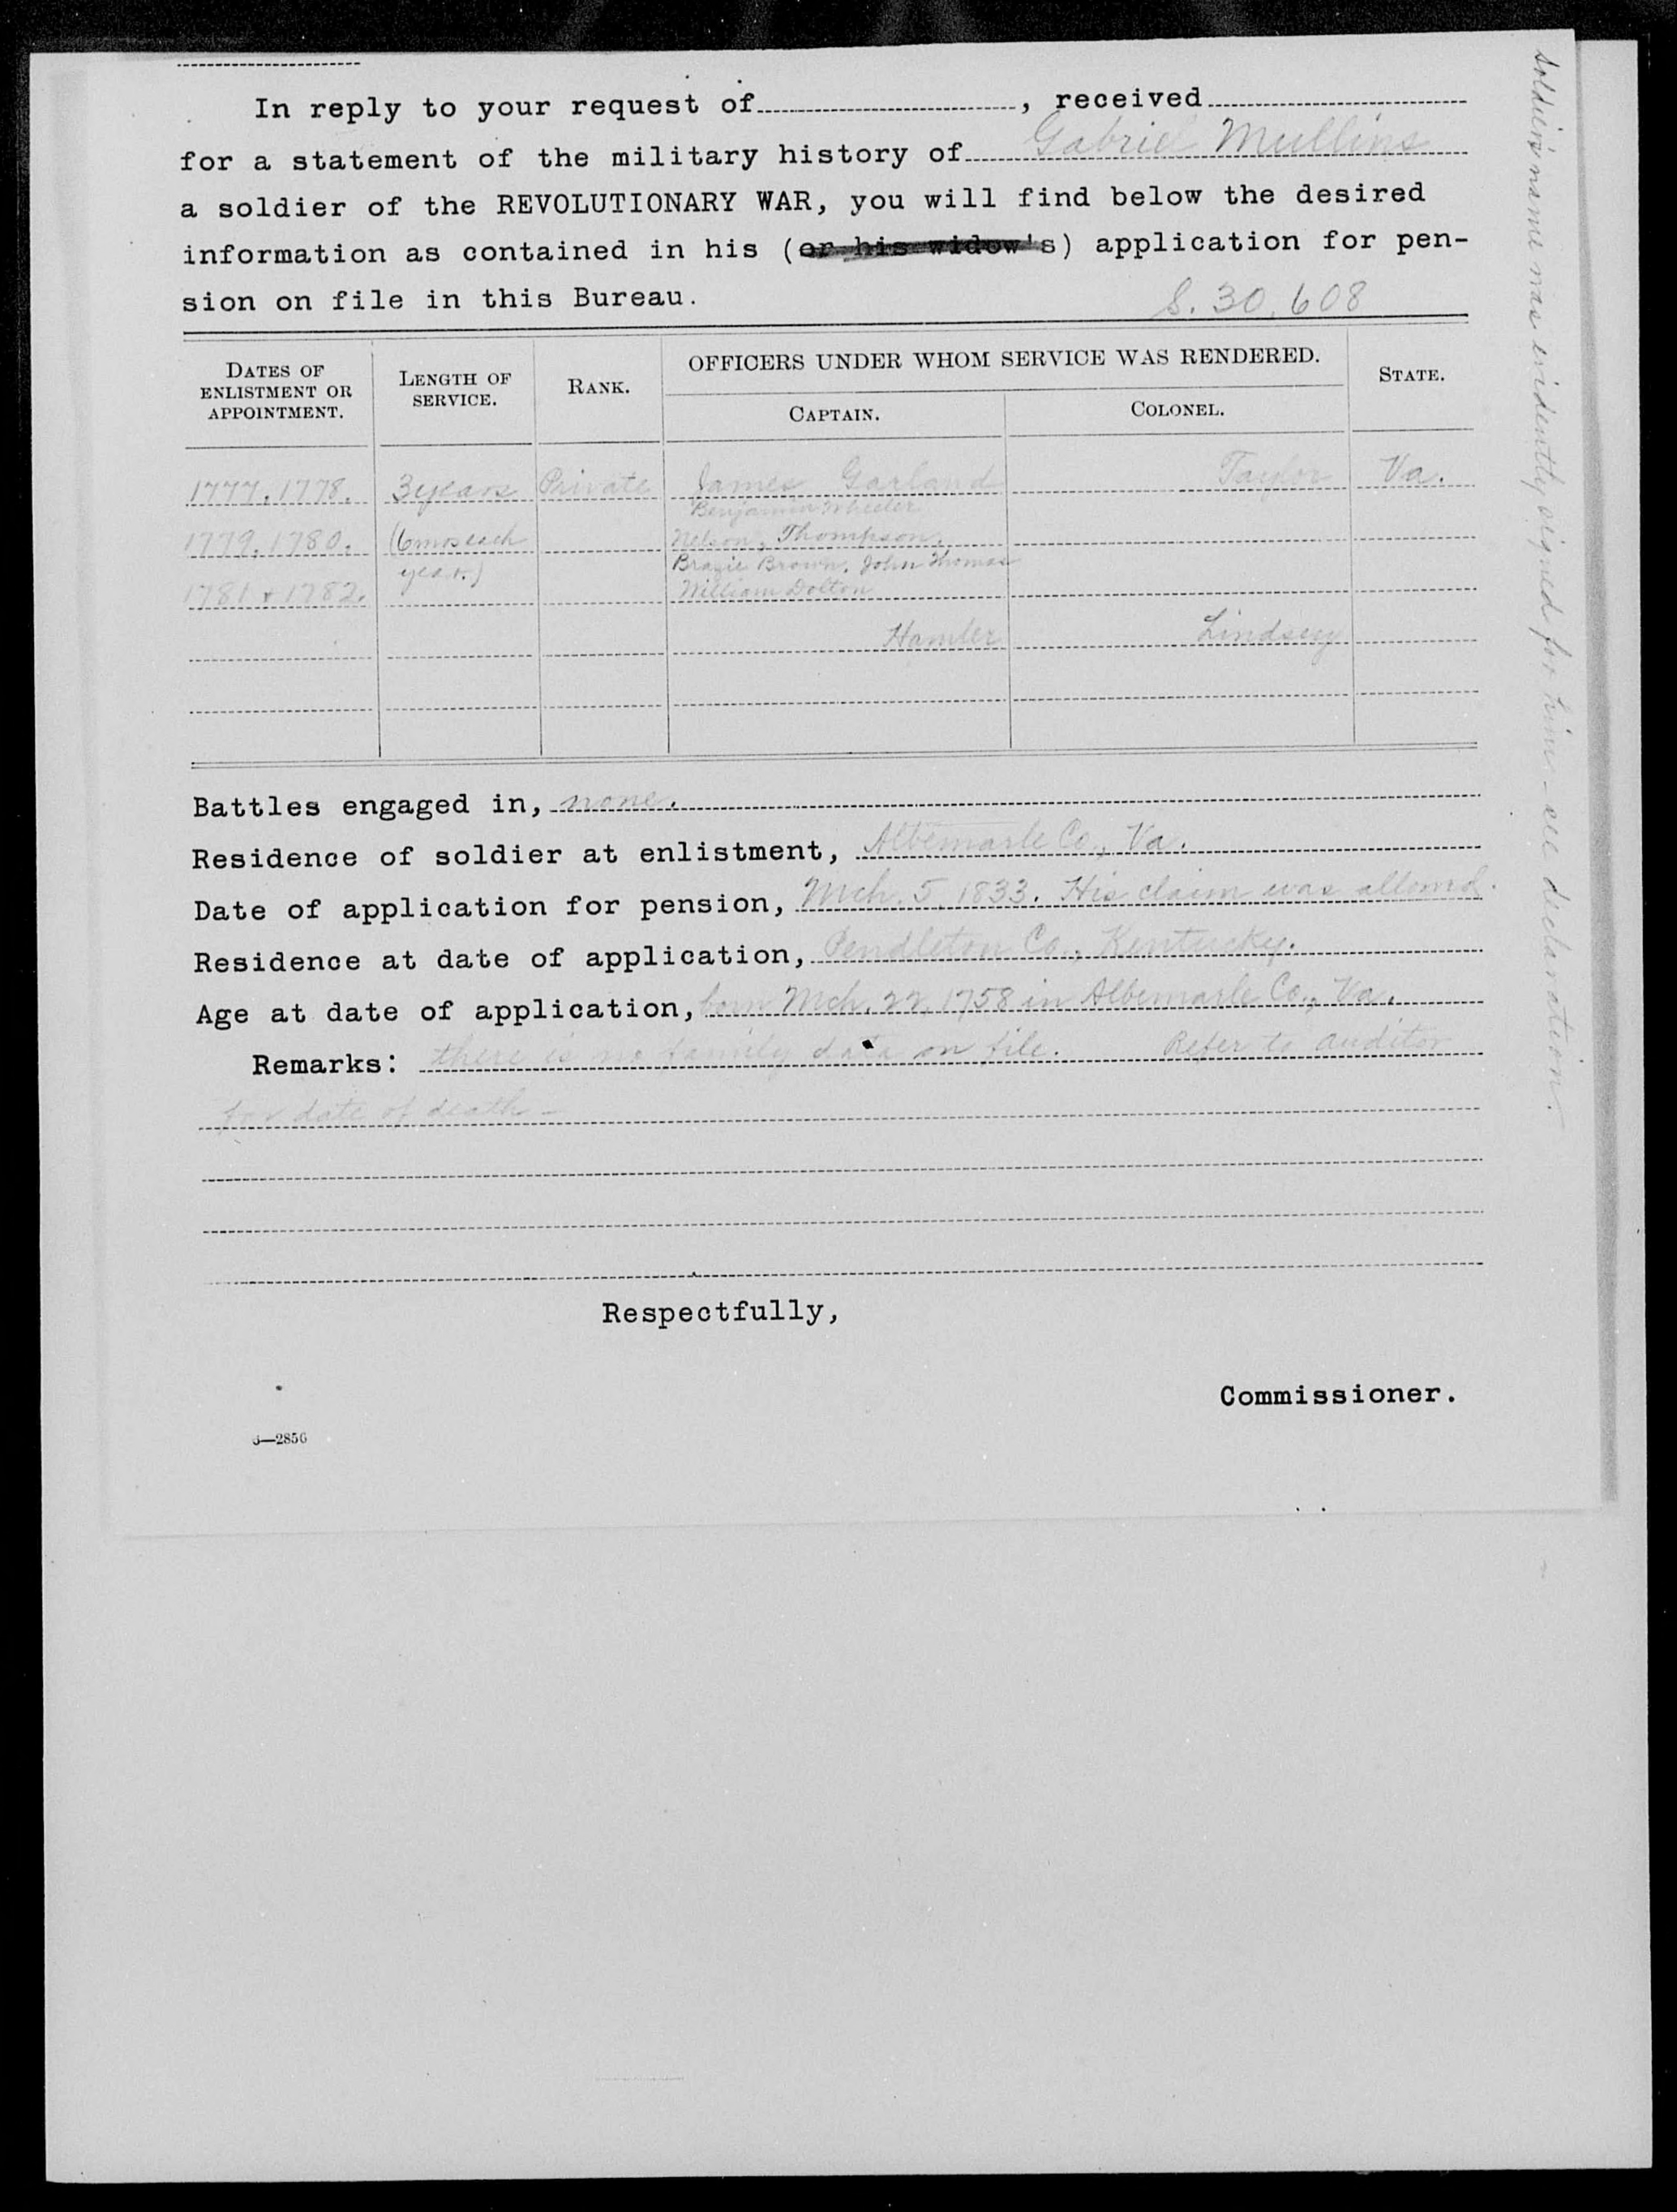In reply to your request of_____________, received__________ for a statement of the military history of Gabriel Mullins a soldier of the REVOLUTIONARY WAR, you will find below h\the desired information as contained in his application for pension on file in this Bureau.
--------------------------------------------------------------------------------DATES OF ENLISTMENT OR EMPLOYMENT.  1777,1778
LENGTH OF SERVICE.                                     3 Years
RANK.                                                             Private 
OFFICERS UNDER WHOM SERVICE WAS RENDERED.
   CAPTAIN.   James Garland           COLONEL.  Taylor                    
STATE.     Va.                

DATES OF ENLISTMENT OR EMPLOYMENT.  1779,1780
LENGTH OF SERVICE.          6 months each year
RANK.                                                    
OFFICERS UNDER WHOM SERVICE WAS RENDERED.
   CAPTAIN.   Benjamin Wheeler
                     Nelson, Thompson          COLONEL.                  
STATE.     

DATES OF ENLISTMENT OR EMPLOYMENT.  1781,1782
LENGTH OF SERVICE.          6 months each year
RANK.                                                    
OFFICERS UNDER WHOM SERVICE WAS RENDERED.
   CAPTAIN.   Brazie Brown, John Thomas
                     William Dolton        
                      Hamler                                       COLONEL.   Lindsey               
STATE.   
------------------------------------------------------------------------
Battles engaged in, none
Residence of soldier at enlistment, Albemarle Co., Va
Date of application for pension, Mch 5, 1833. His claim was allowed
Residence at date of application, Pendleton Co., Kentucky
Age at date of application, born Mch 22, 1758 in Albemarle Co., Va
  Remarks: There is no family data on file.  Refer to Auditor for date of death.
[on right margin] Soldier's name was evidently signed for him- see declaration.
------------------------
   Respectfully,

                                              Commissioner
5-2856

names: Brazie Brown; Gabriel Mullins; James Garland; William Dolton; [BLANK] Hamler; [BLANK] Lindsay; Benjamin Wheeler; John Thomas; Nelson Thompson; [BLANK] Taylor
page: 34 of 34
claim: survivor's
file: S. 30608, for Gabrel Mullins, Virginia